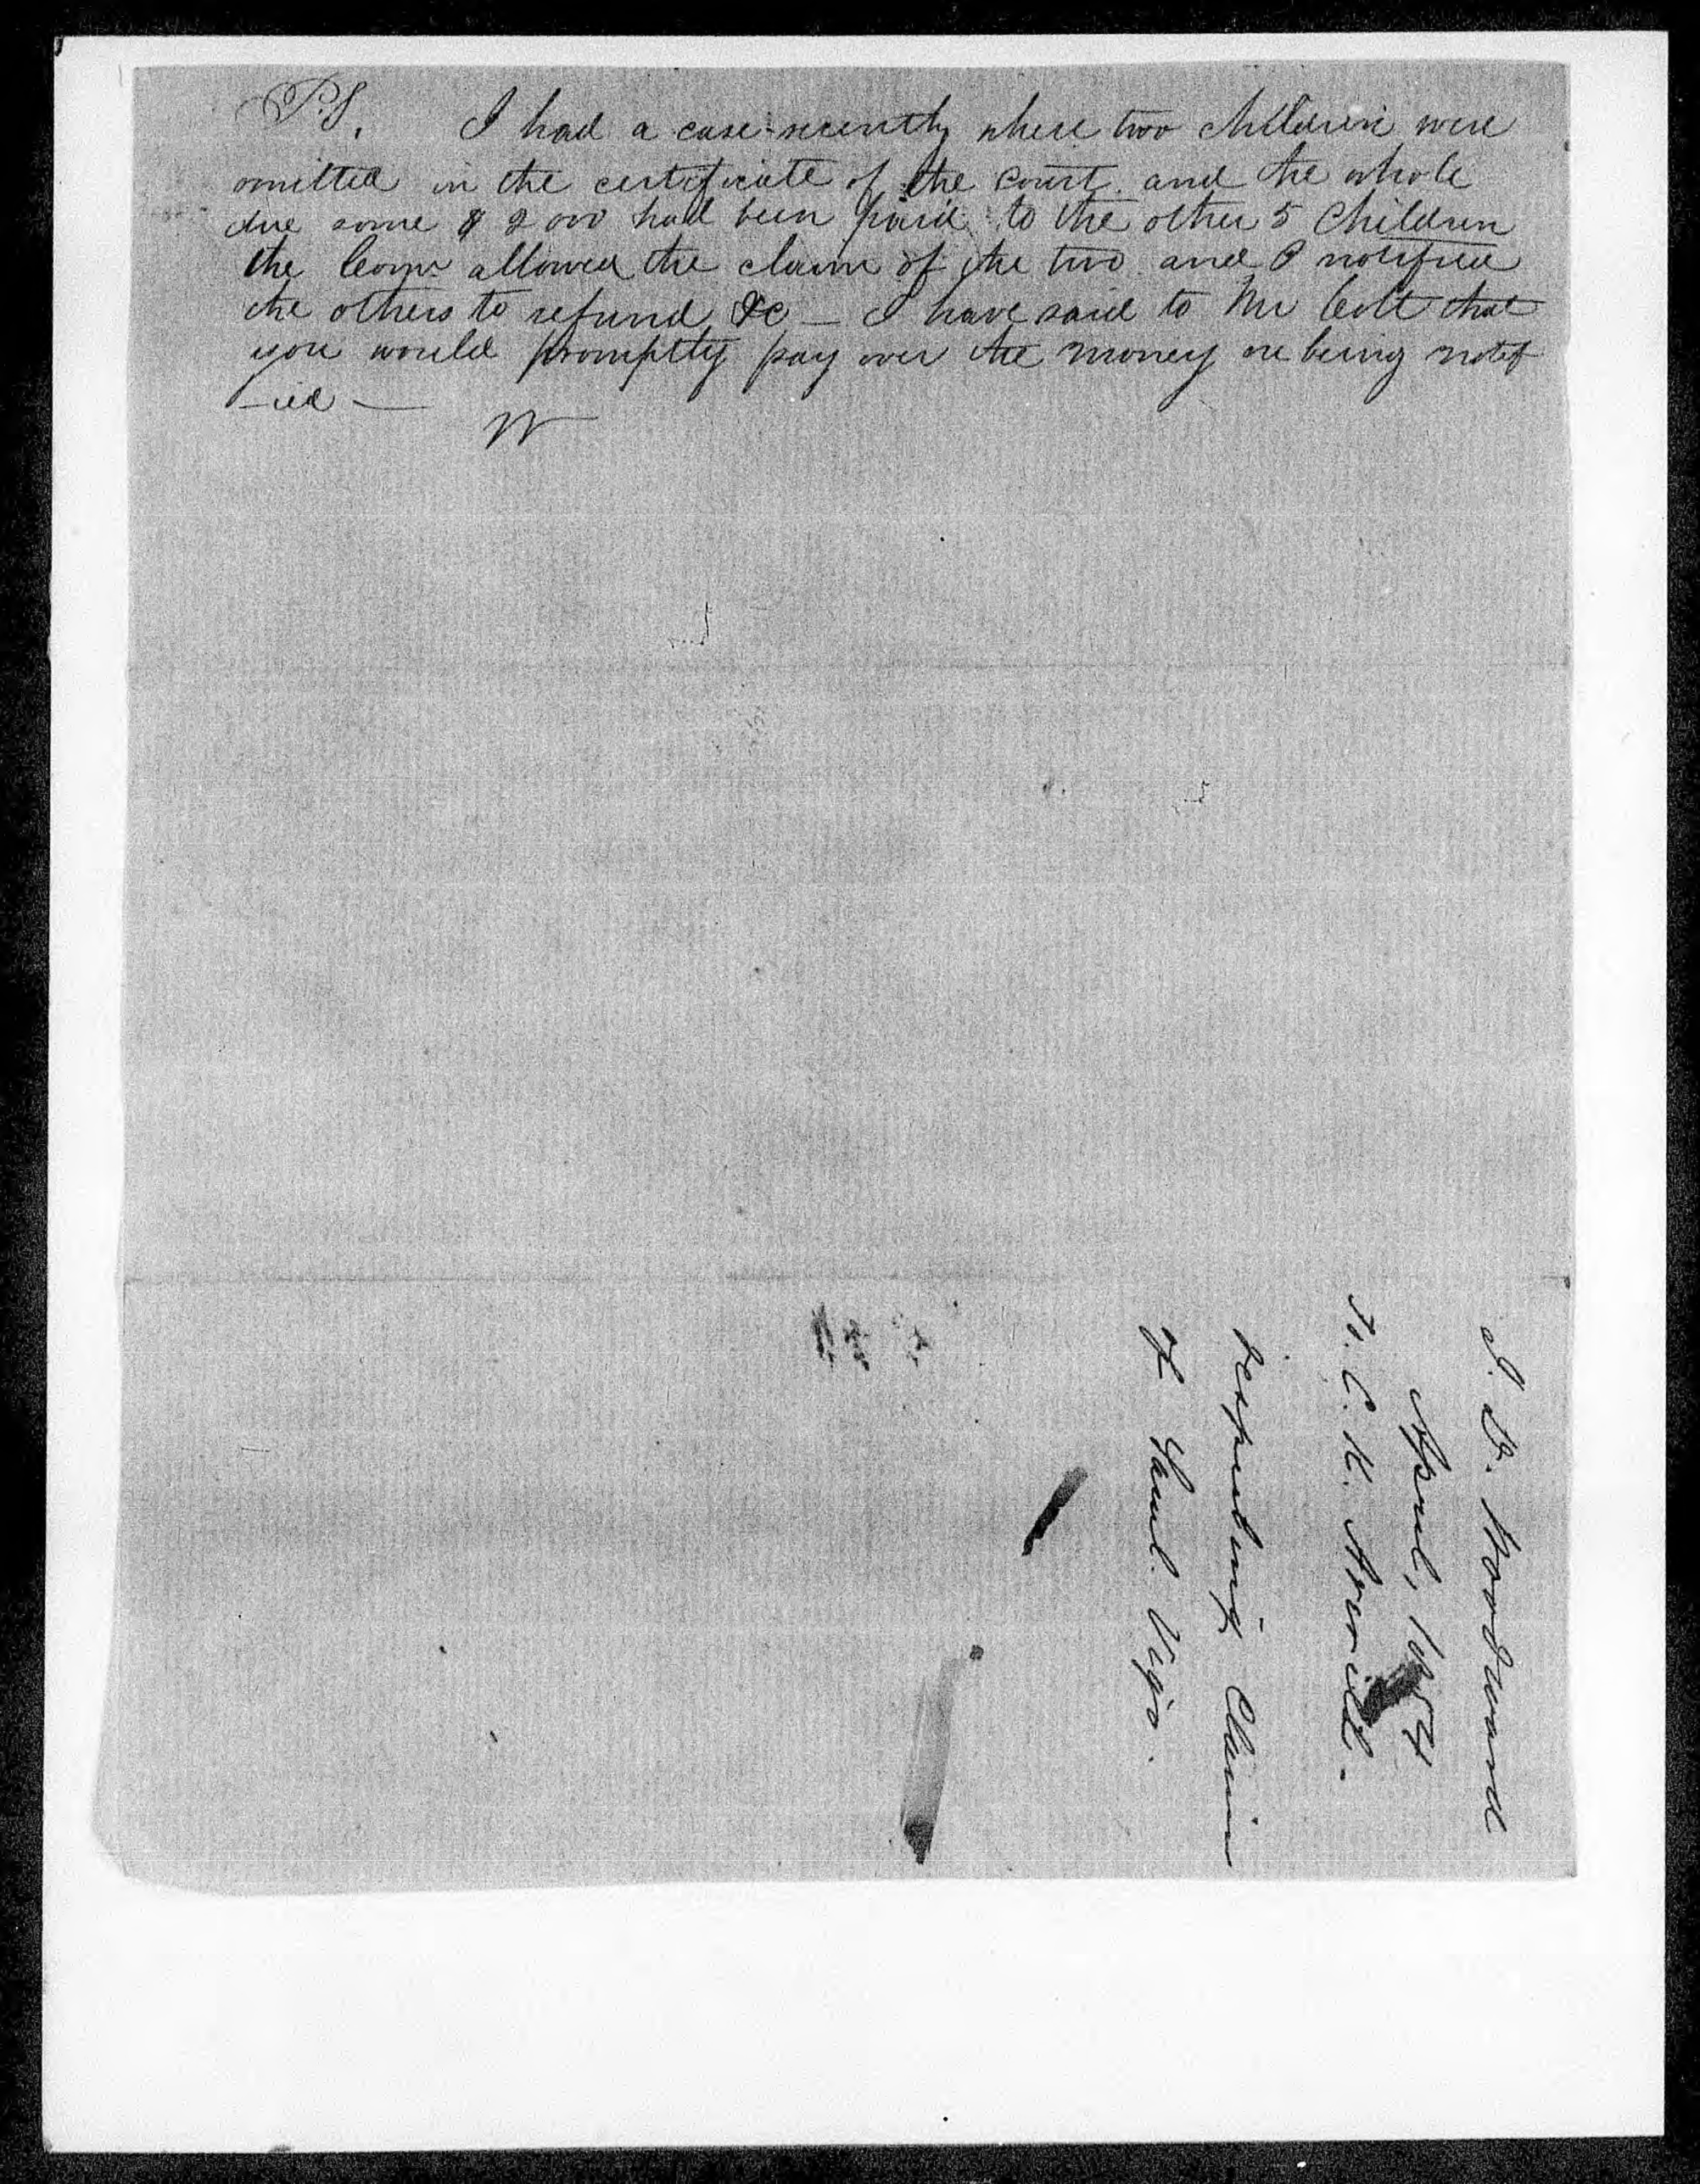P.S. I had a case recently where two children were omitted in the certificate of the Court and the whole due some $2000 had been paid to the other 5 children the Comp allowed the claim of the two and I notified the others to refund &c -
I have said to Mr.Colt that you would promptly pay over the money as being notified - W

[on side]
J. D. Woodward
April 1854
To C. H. Merritt
Responding Claim of Saml Vigo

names: Saml Gigo, C K Averill, J D Woodward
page: 70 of 98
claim: widow's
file: W. 21182, Francis Gigo, Continental (Canadian)